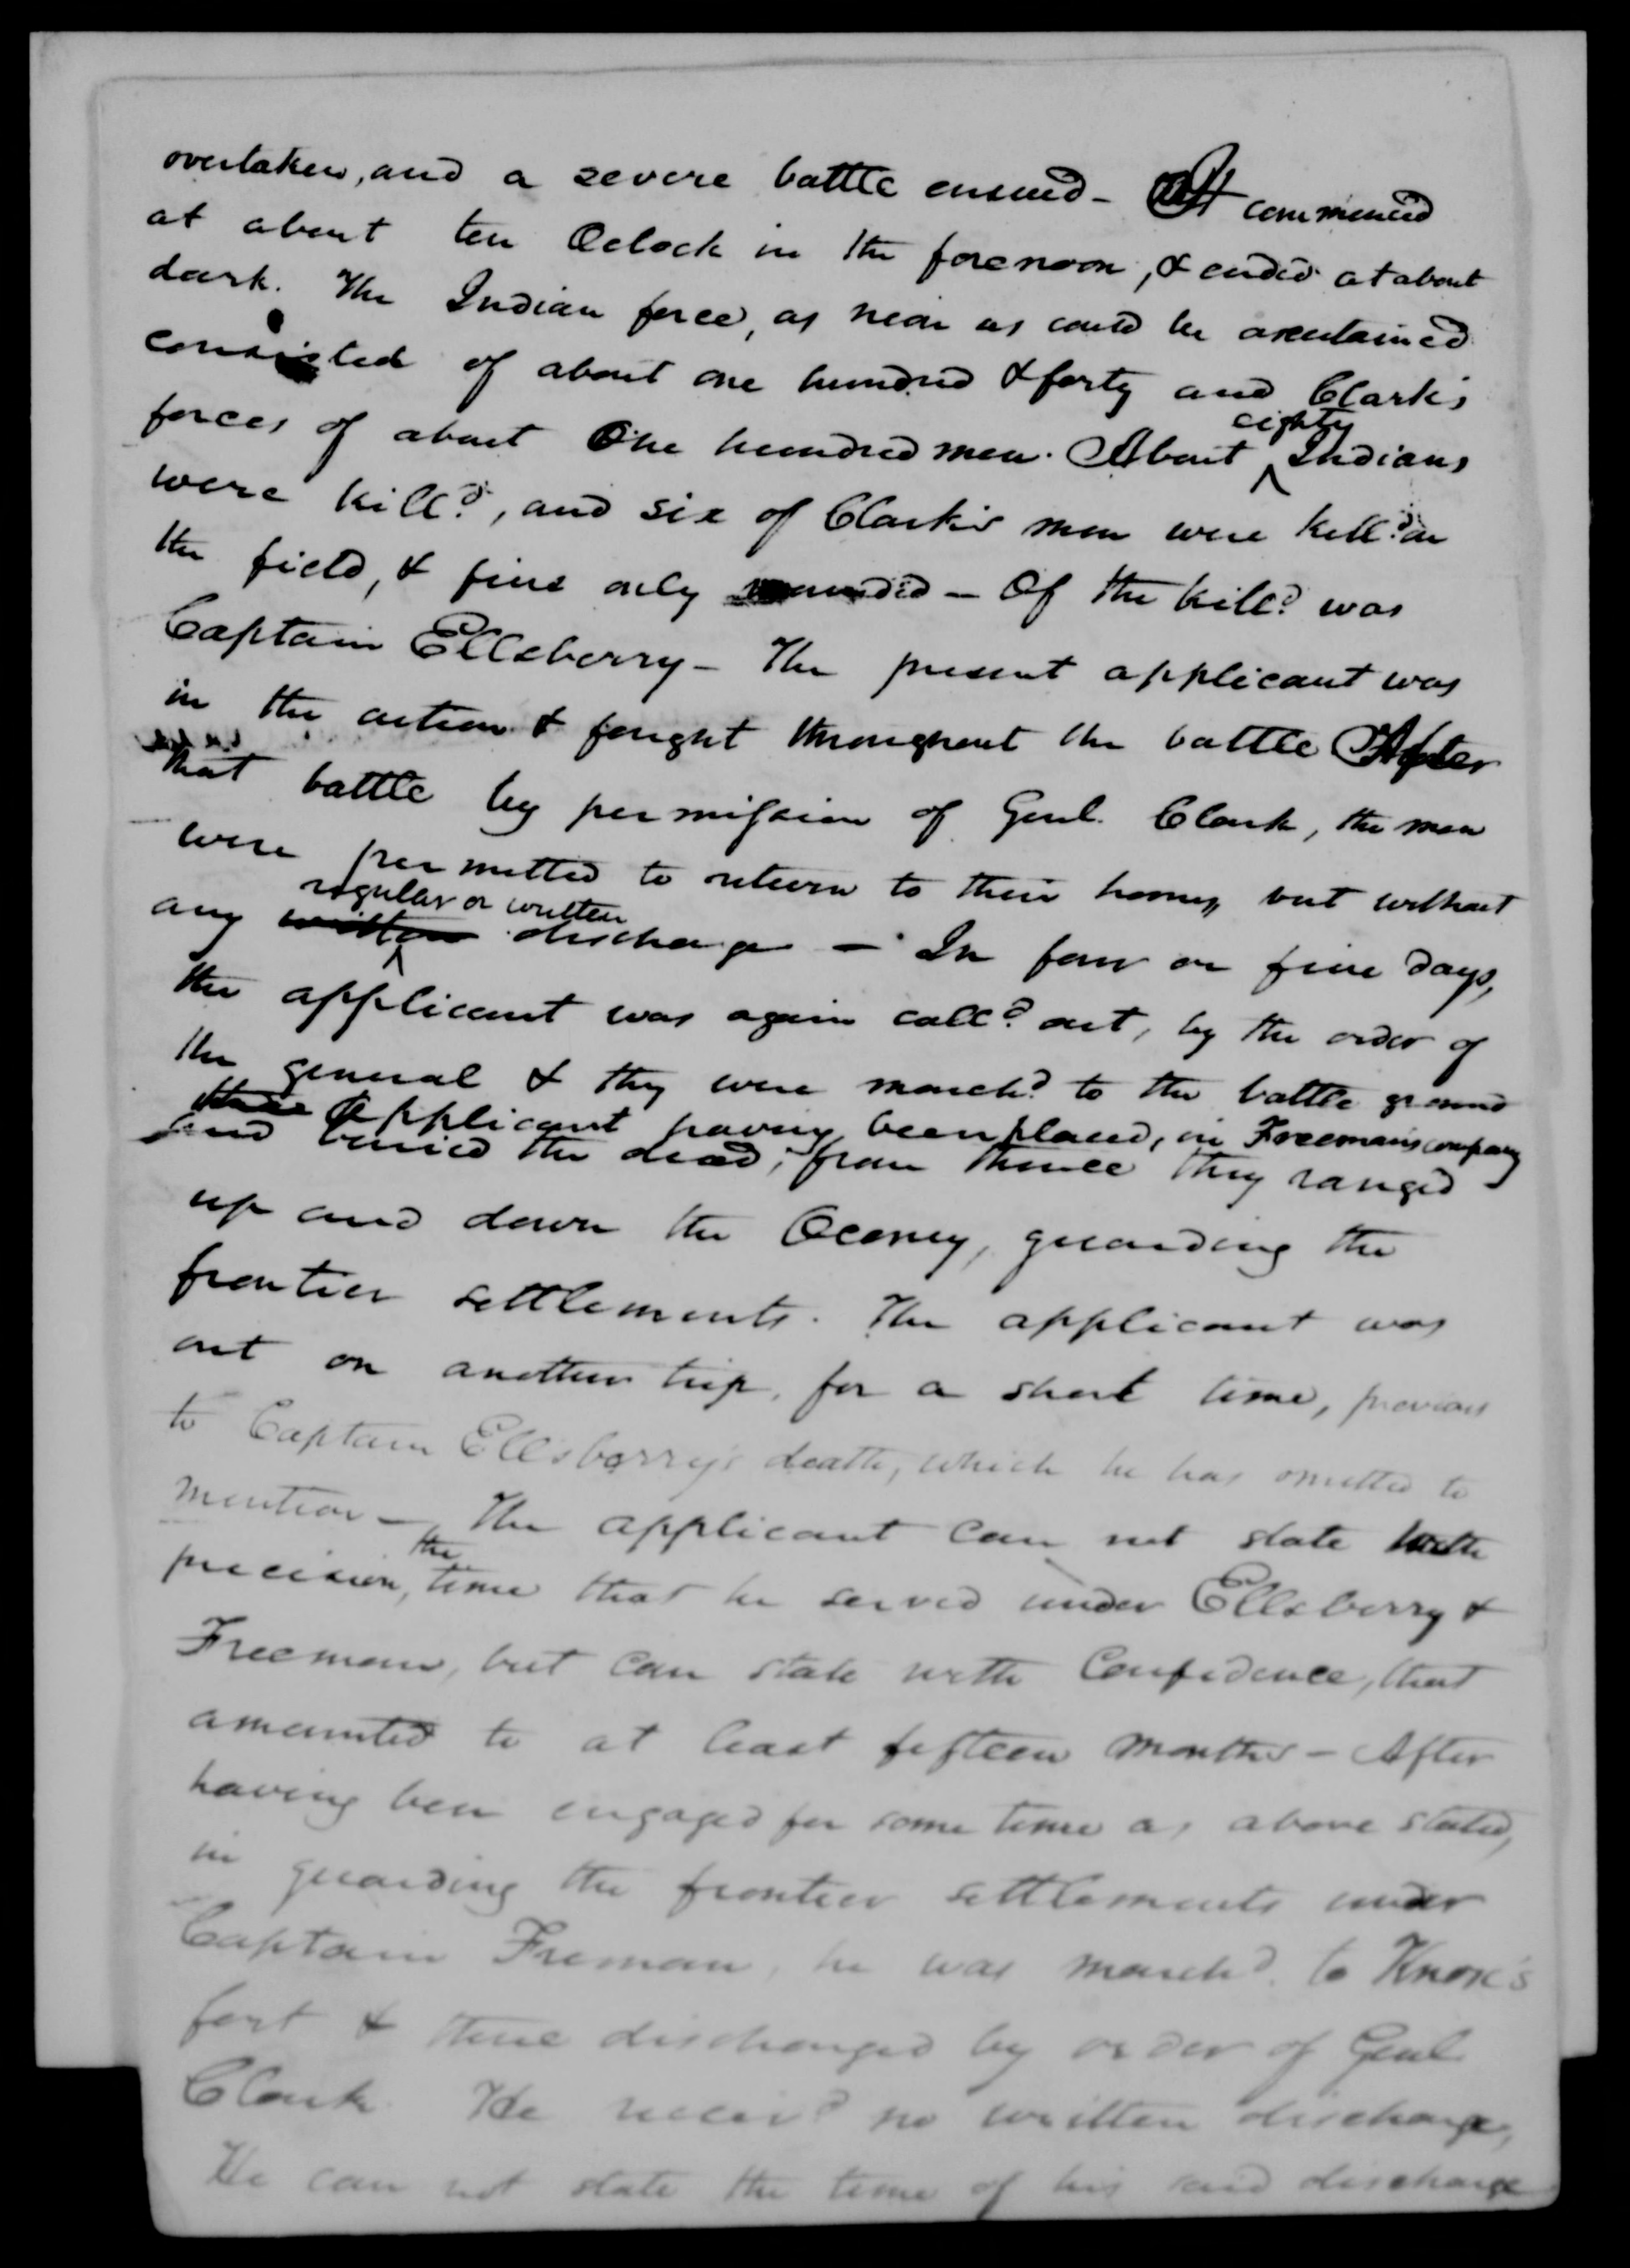overtaken, and a severe battle ensued. It commenced at about ten oclock in the forenoon, & ended at about dark. The Indian force, as near as could be ascertained
consisted of about one hundred & forty and Clarks forces of about one hundred men. About eighty Indians were killd, and six of Clark's men were killd on the field & five only wounded. Of the killd was Captain Ellsberry. The present applicant was in the action & fought throughout the battle. After that battle by permission of Genl Clark, the men were
permitted to return to their homes but without
any regular or written discharge. In four or five days the applicant was again calld out, by the order of general & they were marchd to the battle ground and this applicant having been placed in Freeman's company buried the dead, from thence they ranged up and down the Oconey, [Oconee] guarding the frontier settlements. The applicant was out on another trip for a short time, previous to Captain Ellisberry's death, which he has omitted to mention. The applicant can not state with
precision the time that he served under Ellsberry & Freeman, but can state with confidence, that amounted to at least fifteen months. After having been engaged for some time as above stated, in guarding the frontier settlements under Captain Freeman, he was marched to Knox's fort & there discharged by order of Genl Clark. He receid [received] no written discharge. He can not state the time of his said discharge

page: 9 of 53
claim: widow's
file: W. 6,267, for John Thurman, Georgia